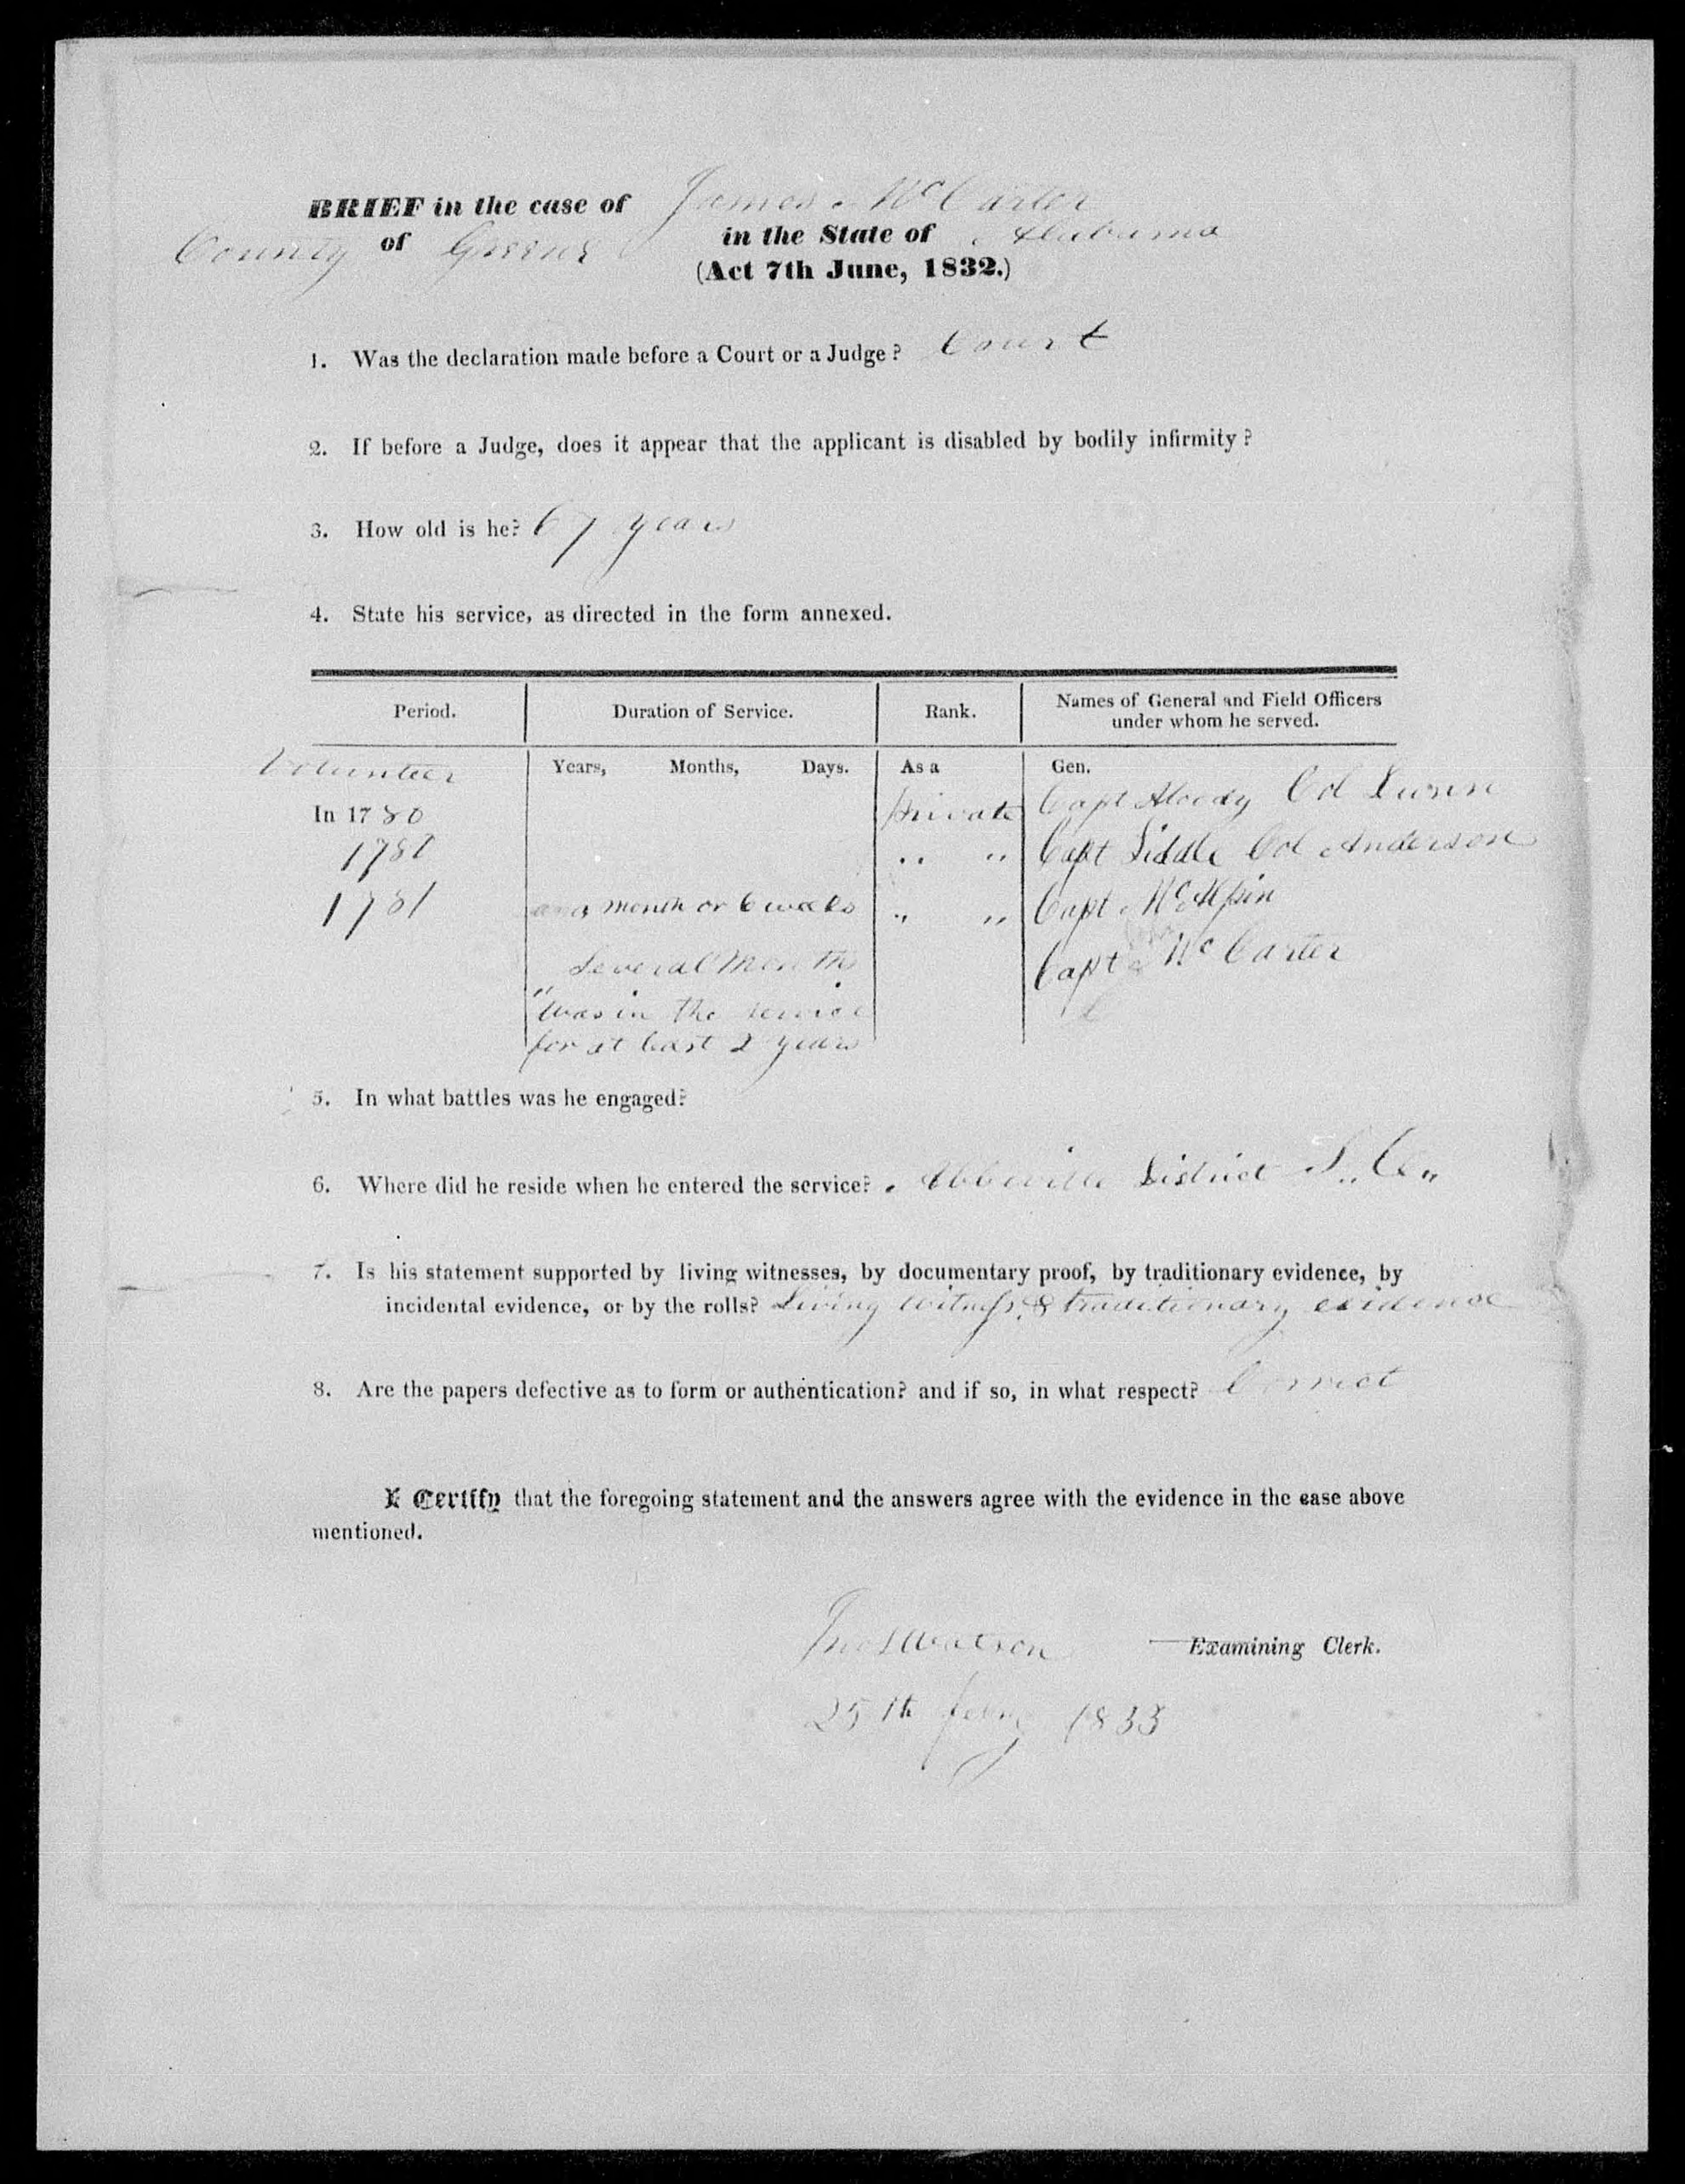[Printed document with handwritten entries]

BRIEF in the case of James McCarter County of Greene in the State of Alabama
(Act 7th June, 1832.)

1. Was the declaration made before a Court or a Judge? Court
2. If before a Judge, does it appear that the applicant is disabled by bodily infirmity?
3. How old is he? 67 years
4. State his service, as directed in the form annexed.

Period. | Duration of Service. | Rank. | Names of General and Field Officers
under whom he served.

volunteer | Years, Months, Days. | As a | Gen.

In 1780 | private | Capt Hoody Col [illegible]
1781 | " " | Capt Liddle Col Anderson
1871 | one month or 6 weeks | " " Capt Mc{illegible}
several months was in the service for at least 2 years | Capt Mc Carter

5. In what battles was he engaged?
6. Where did he reside when he entered the service? Abbeville District S. C.
7. Is his statement supported by living witnesses, by documentary proof, by traditionary evidence, by incidental evidence, or by the rolls? Living witness & traditionary evidence
8. Are the papers defective as to form or authentication? and if so, in what respect? [illegible]

I Certify that the foregoing statement and the answers agree with the evidence in the case above mentioned.
[illegible] Examining Clerk.
25th Feby 1853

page: 4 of 45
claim: survivor's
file: S. 13,890, for James Mc Carter, South Carolina